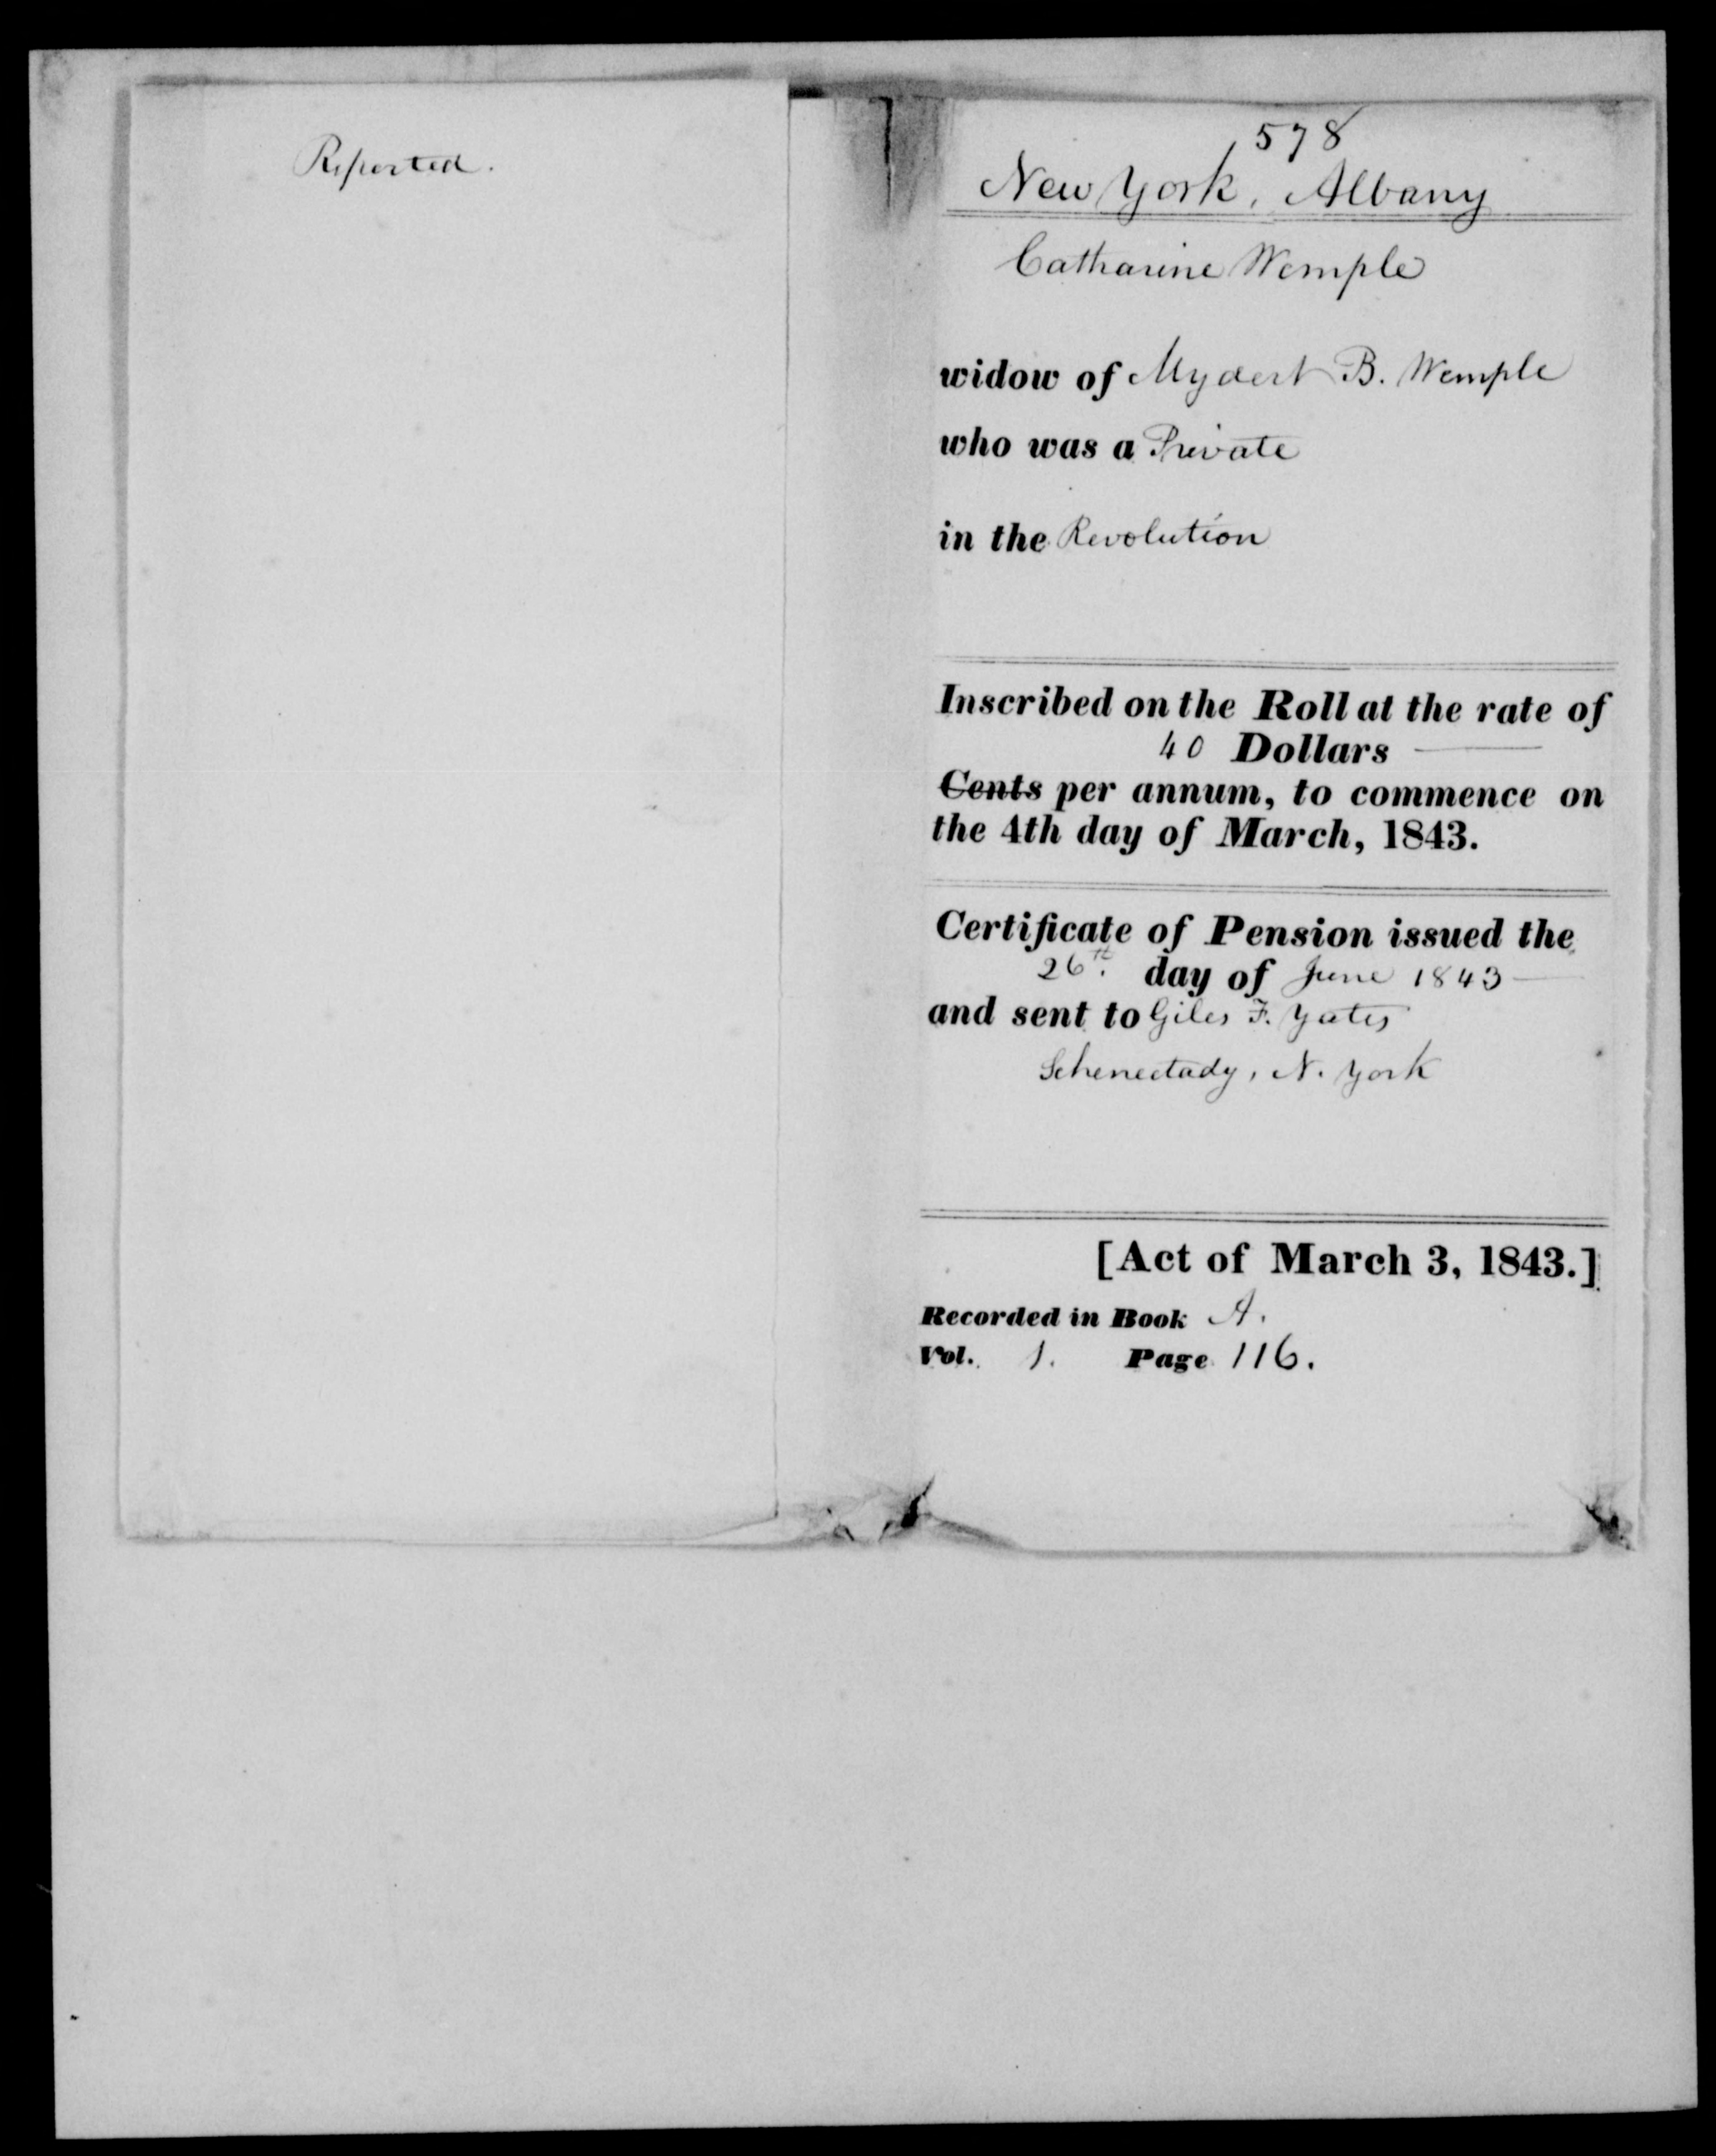Reported.


578
New York, Albany
Catharine Wemple
widow of Mydert(Myndert) B. Wemple
who was a Private
in the Revolution

Inscribed on the Roll at the rate of
40 Dollars---
Cents per annum, to commence on
the 4th day of March, 1843.

Certificate of Pension issued the
26th day of June 1843---
and sent to Giles F. Yates
Schenectady, N. York


[Act of March 3, 1843.]
Recorded in Book A.
Vol. 1.   Page 116.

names: Giles F Yates, Catharine Wemple, Mydert B Wemple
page: 38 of 51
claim: widow's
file: W. 19604, Myndert B Wemple, New York